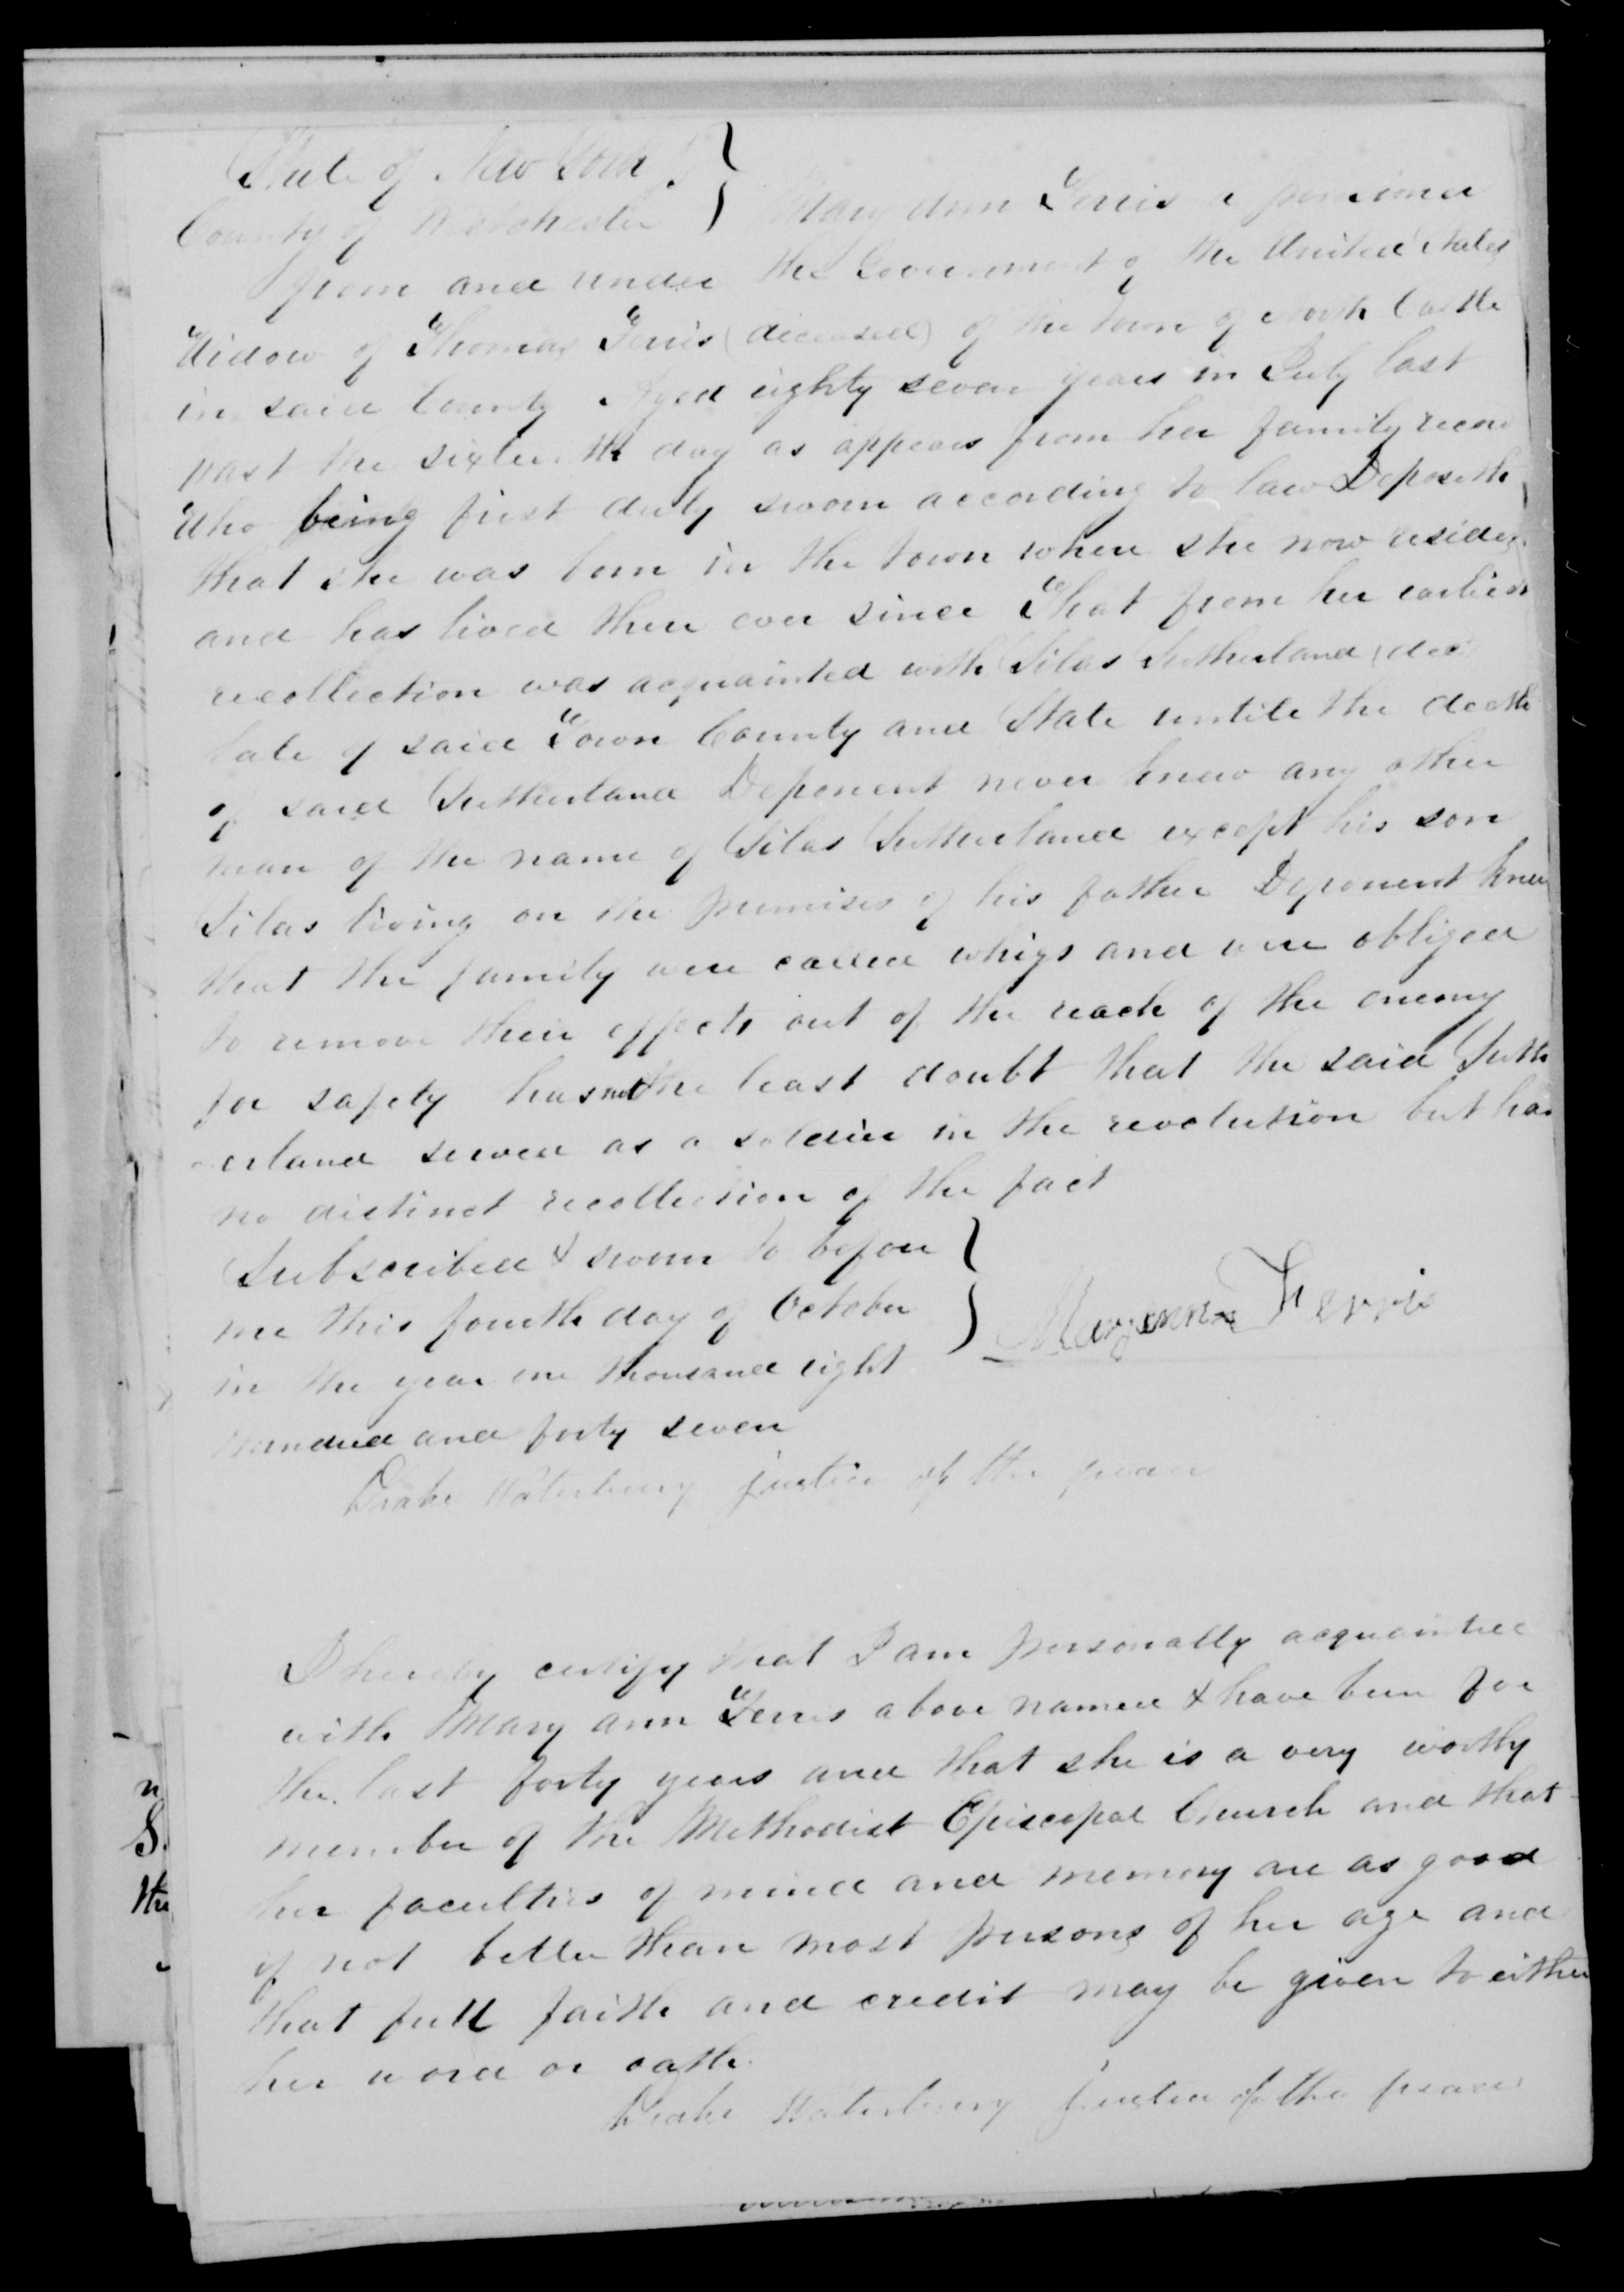State of New York
County of Westchester ss } 

Mary Ann Ferris a pensioner from and under the Government of the United States, widow of Thomas Ferris (deceased) of the town of North Castle in said County Aged eighty seven years in July last past the sixteenth day as appears from her family Record being first duly sworn according to law Deposith that she was born in the town where she now resides and has lived there ever since, That from her earliest recollection was acquainted with Silas Sutherland (decd) late of said Town County and State untill the death of said Sutherland Deponent never knew any other man of the name of Silas Sutherland except his son Silas living on the premises of his father Deponent knew that the family were called whigs and were obliged to remove their effects out of the reach of the enemy for safety has not the least doubt that said Sutherland served as a soldier in the revolution but has no distinct recollection of the fact.  

Maryann Ferris

Subscribed and sworn to before me this fourth day of October in the year one thousand eight hundred and forty seven

Drake Waterbury justice of the peace

I hereby certify that I am personally acquainted with Mary Ann Ferris above named and have been for the last forty years and that she is a very worthy member of the Methodist Episcopal Church and that her faculties of mind and memory are as good if not better than most persons of her age and that full faith and credit may be given to either her word or oath.  

Drake Waterbury justice of the peace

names: [BLANK] Sutherland; Drake Waterbury; Thomas Ferris; Drake Waterbury; Mary Ann Lewis; Silas [BLANK]; Silas Sutherland; [BLANK] Sutherland; Thos Gordinier; Mary Ann Lewis; Mary Ann Lewis; Silas Sutherland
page: 17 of 77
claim: survivor's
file: S. 23003, for Silas Southerland, New York